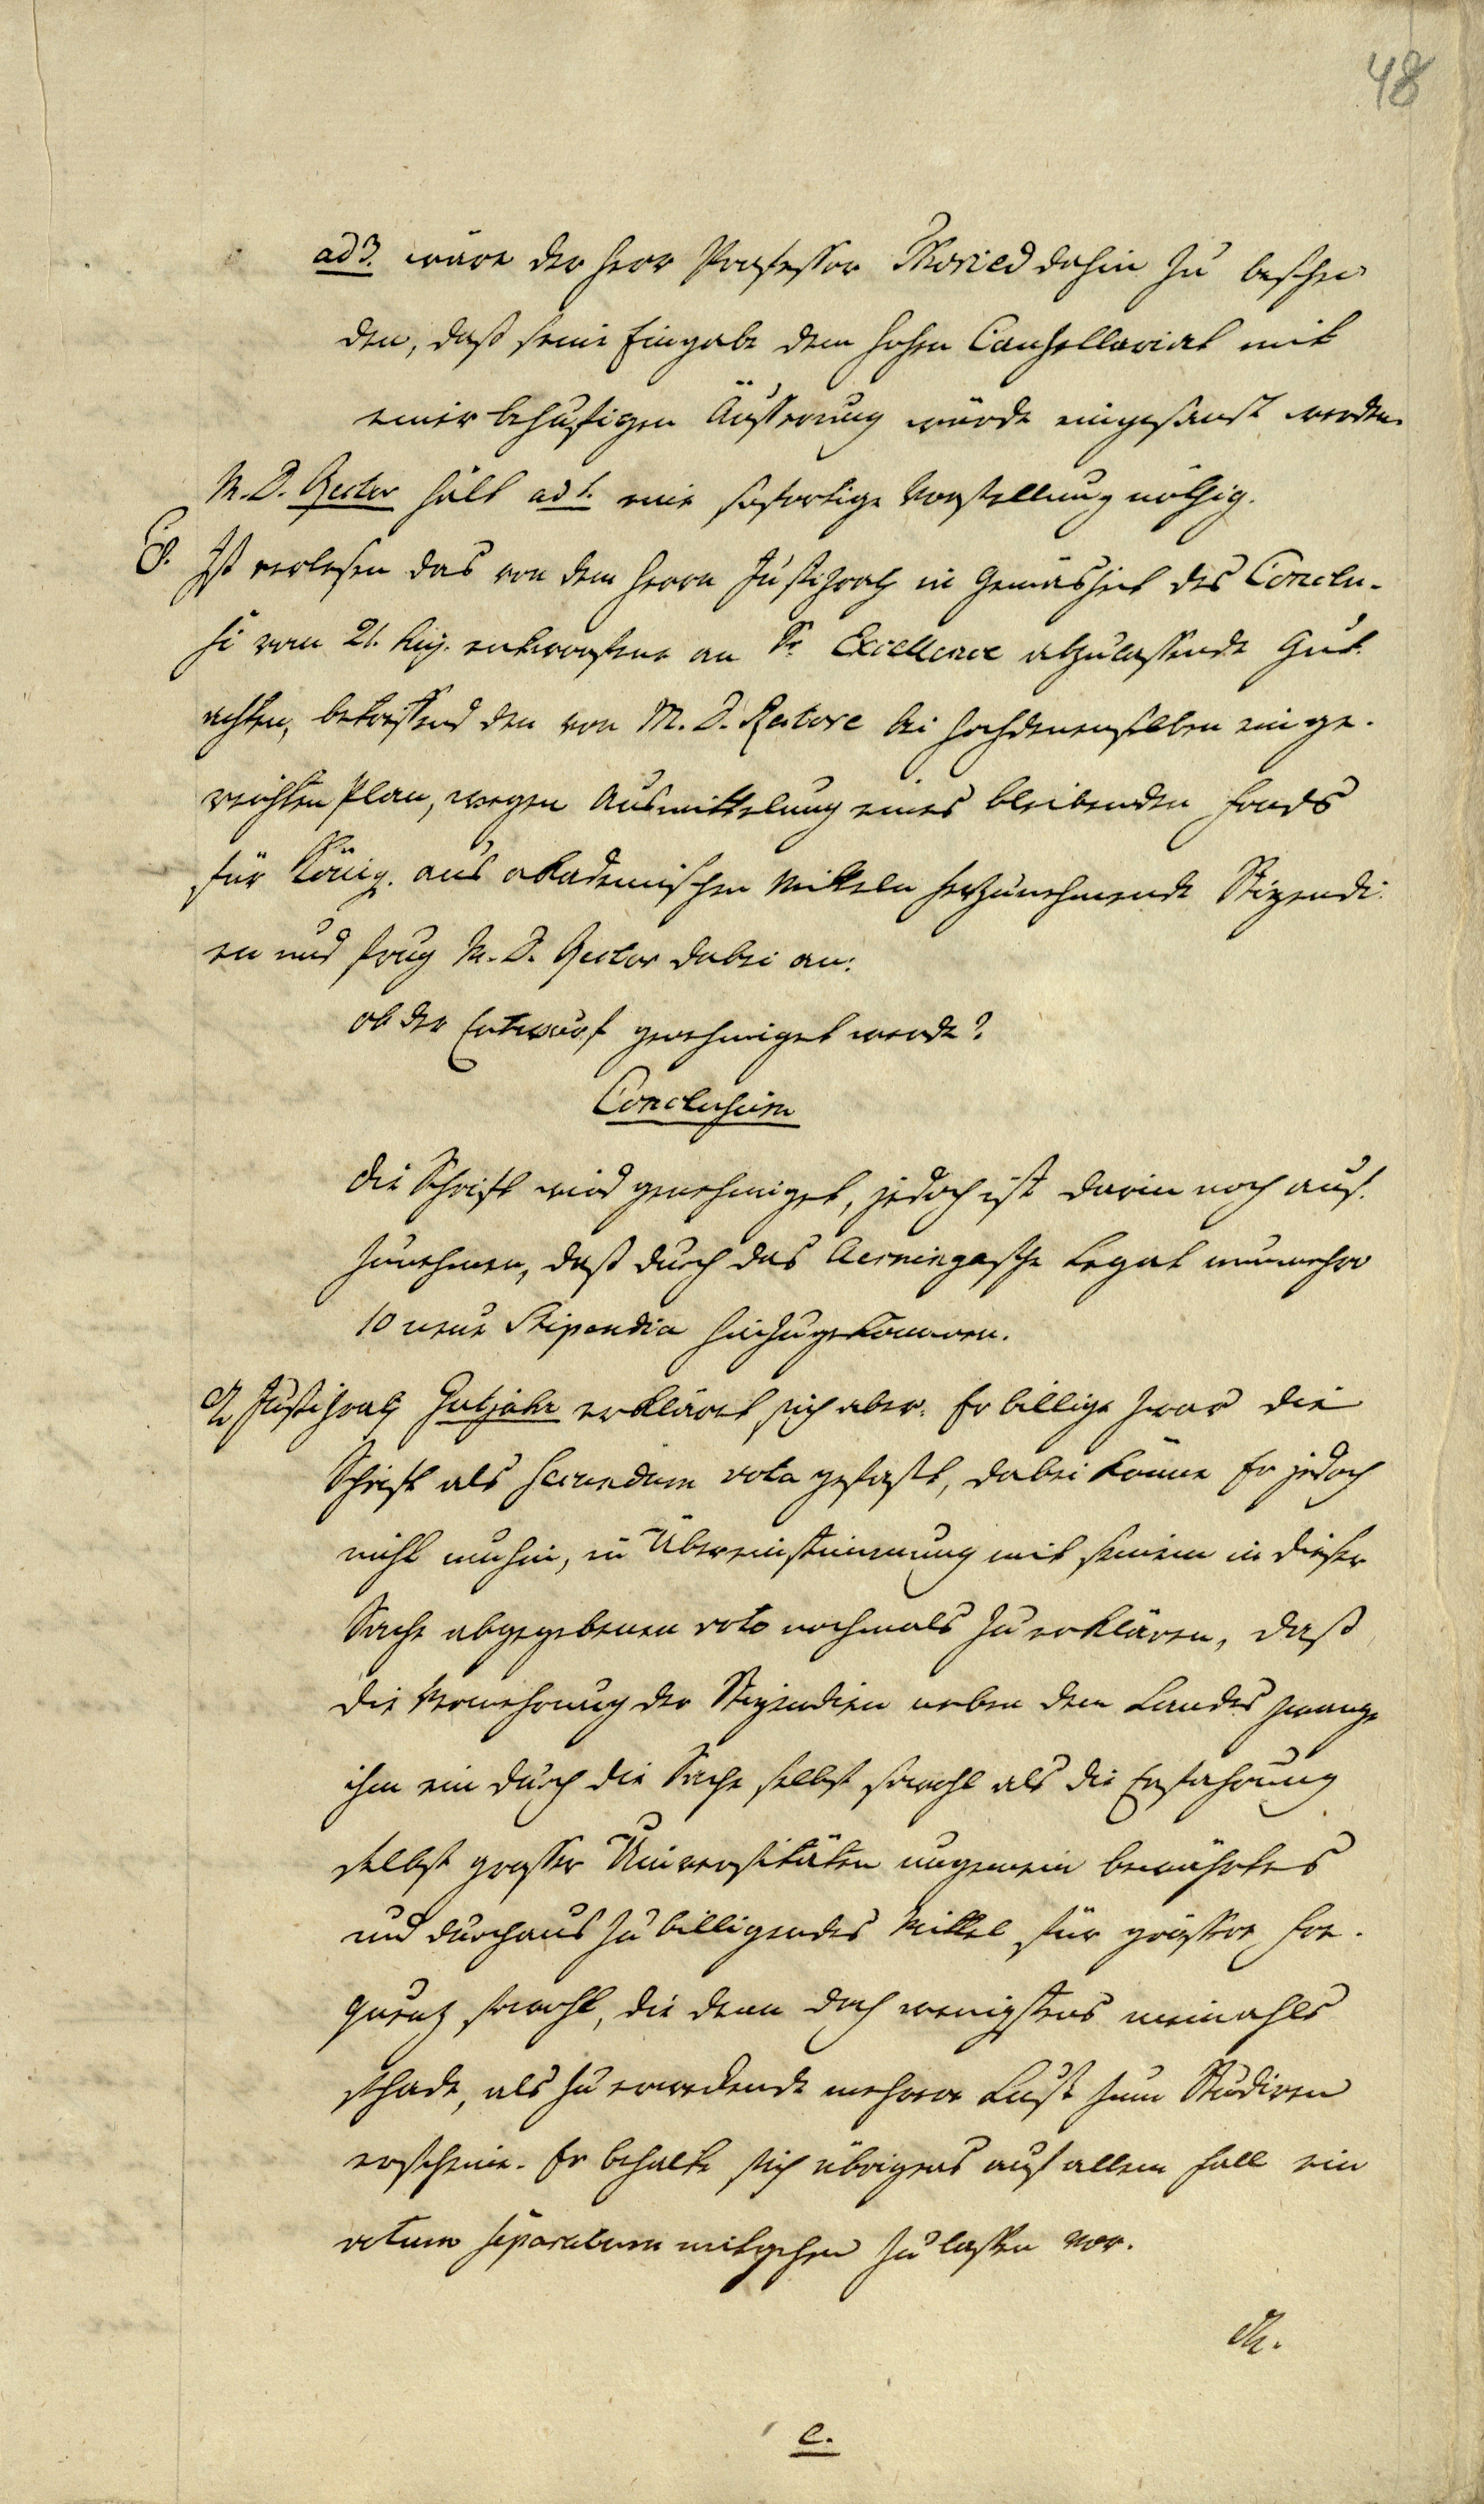ad 3. wäre der Herr Professor Thorild dahin zu beschei¬
den, daß seine Eingabe dem hohen Canzellariat mit
einer behufigen Äusserung würde eingesandt werden.
M. D. Rector hält ad 1. eine sofortige Vorstellung nöthig.
8. Ist verlesen das von dem Herrn Justizrath in Gemäsheit des Conclu¬
si vom 21. huj. entworfene an Sr Excellence abzulassende Gut¬
achten, betreffend den von M. D. Rectore bei hochdenenselben einge¬
reichten Plan, wegen Ausmittelung eines bleibenden Fonds
für König. aus akademischen Mitteln herzunehmende Stipendi¬
en und frug M. D. Rector dabei an:
ob der Entwurf genehmiget werde?
Conclusum
Die Schrift wird genehmiget, jedoch ist darin noch auf¬
zunehmen, daß durch das Aemingasche Legat nunmehro
10 neue Stipendia hinzugekommen.
dh. Justizrath Gutjahr erkläret sich aber: Er billige zwar die
Schrift als secundum vota gefaßt, dabei könne Er jedoch
nicht umhin, in Übereinstimmung mit seinem in dieser
Sache abgegebenen voto nochmals zu erklären, daß
die Vermehrung der Stipendien neben dem Landeszwange
ihm ein durch die Sache selbst sowohl als die Erfahrung
selbst grosser Universitäten ungemein bewährtes
und durchaus zu billigendes Mittel für grössere Fre¬
quenz sowohl, die denn doch wenigstens niemahls
schade, als zu erweckende mehrere Lust zum Studiren
erscheine. Er behalte sich übrigens auf allen Fall ein
votum separatum mitgehen zu lassen vor.
dh.
e.